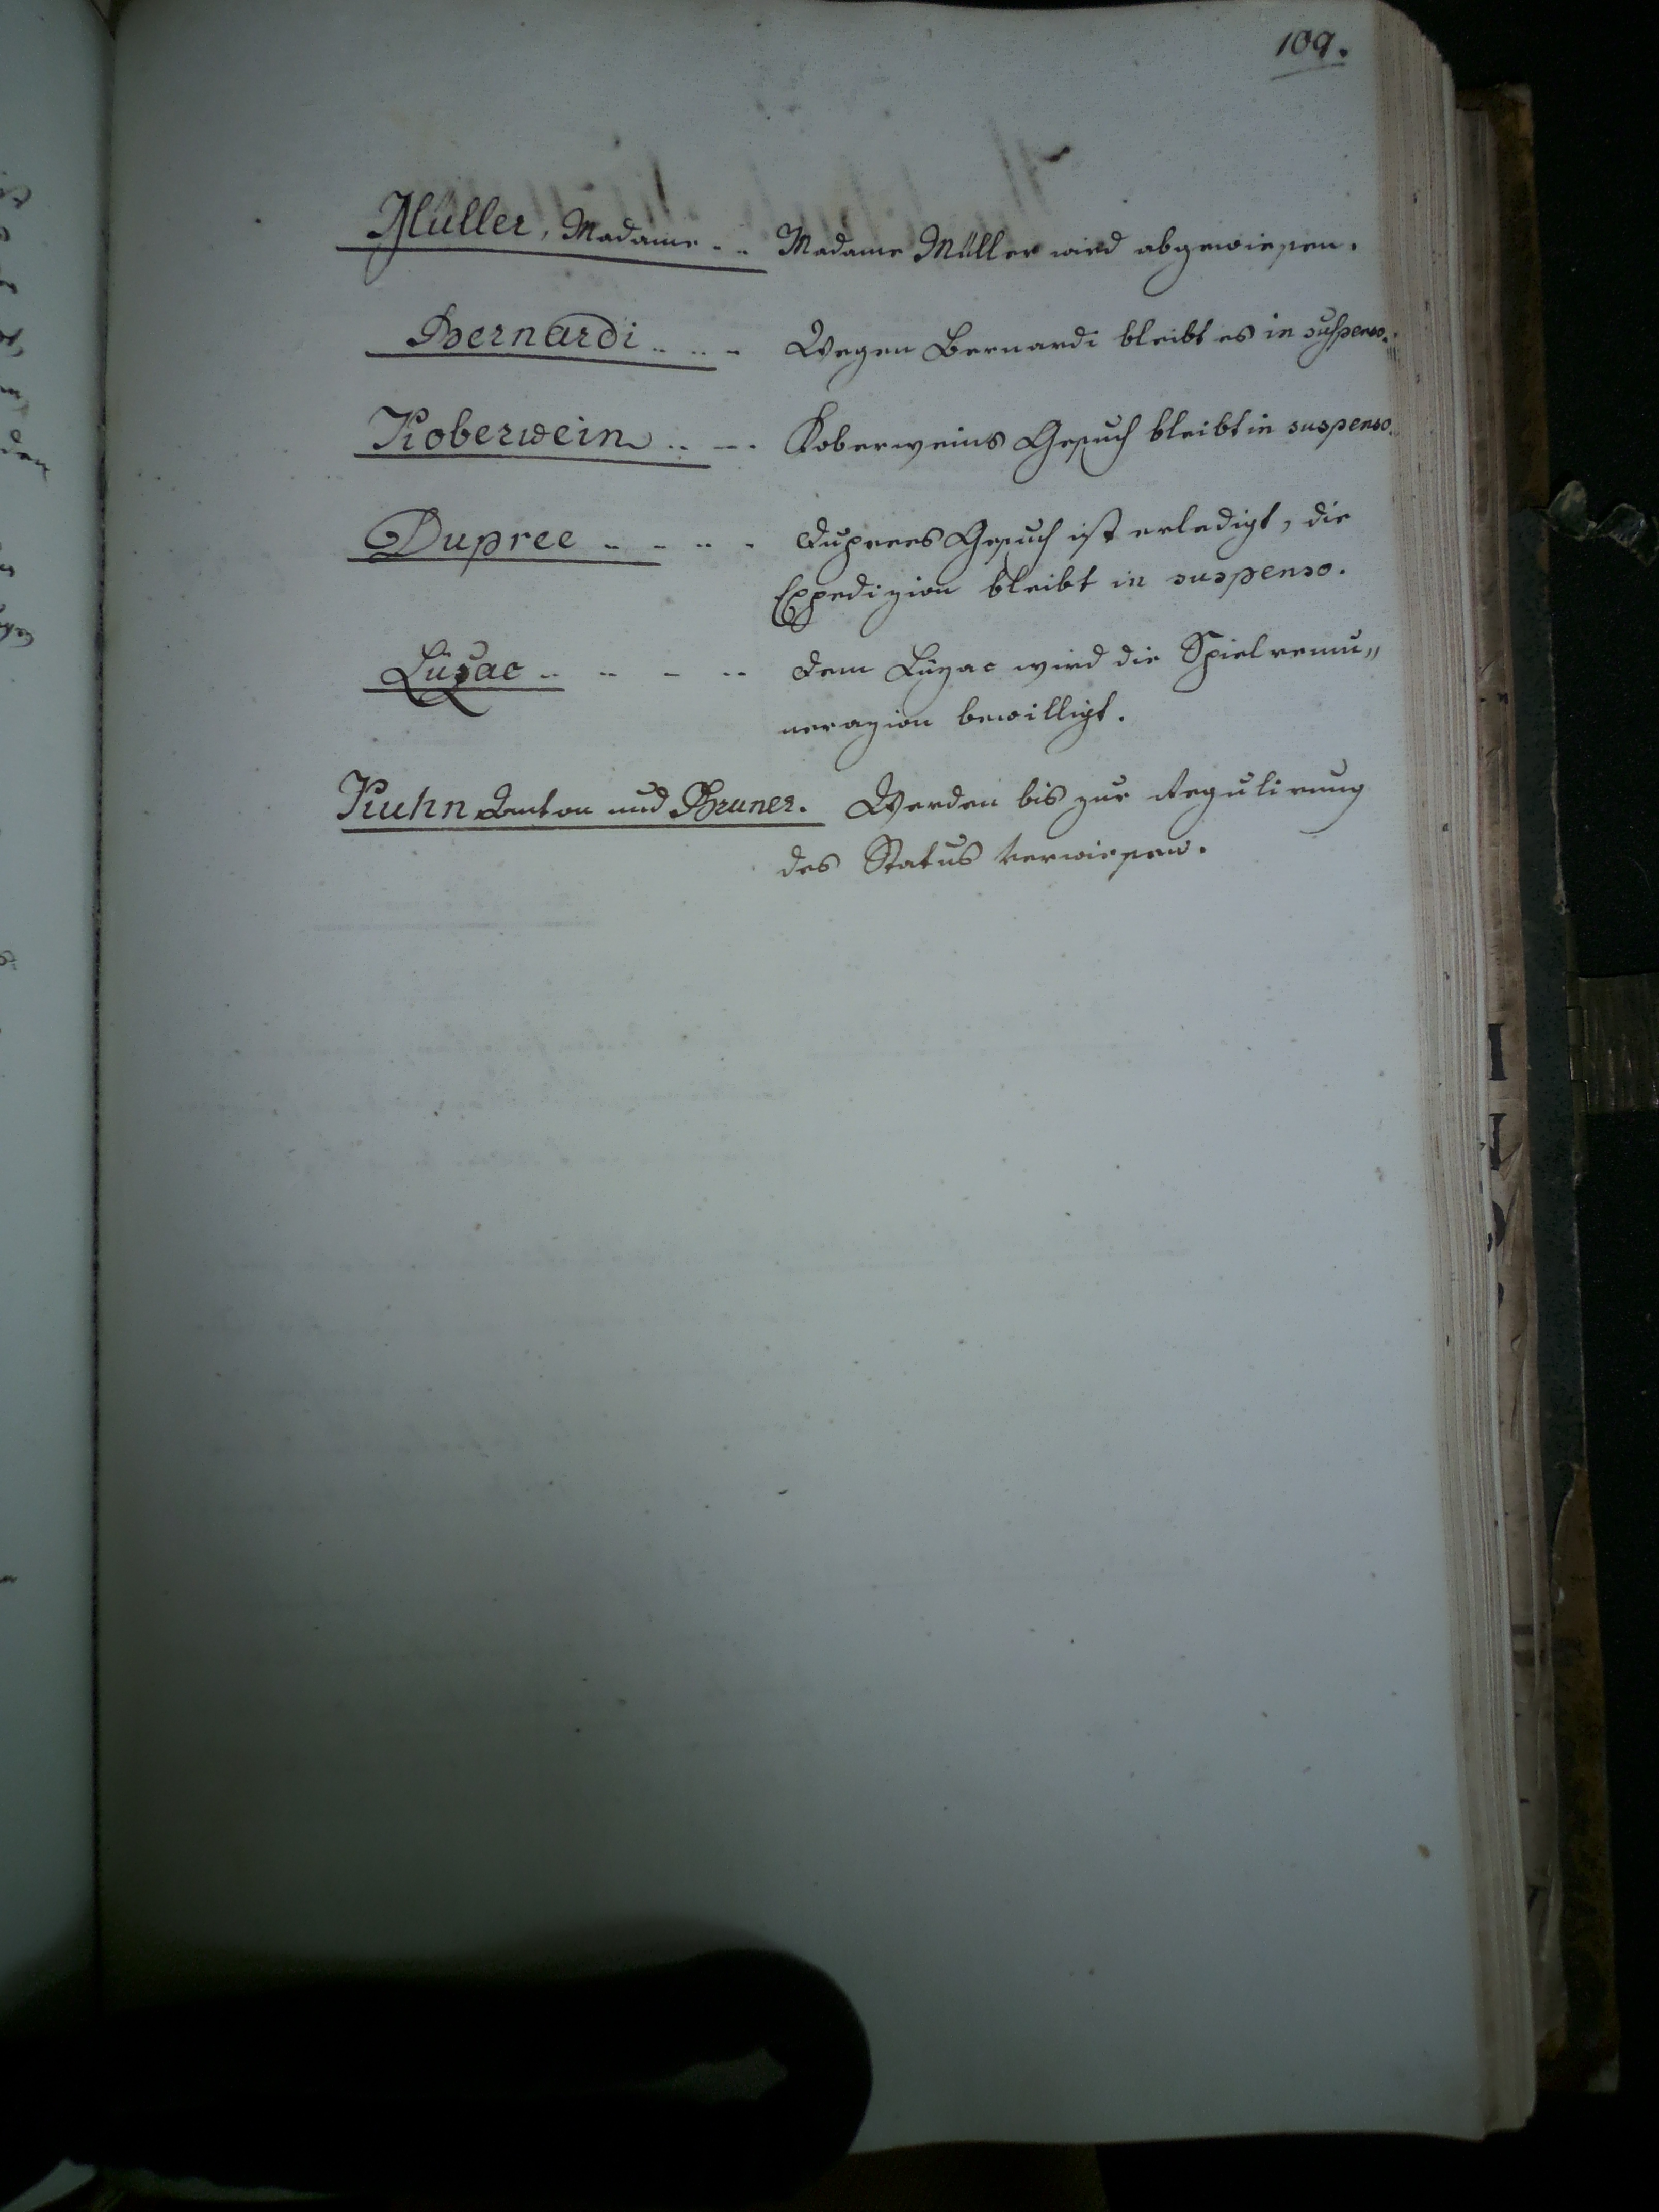109.
Müller, Madame .. .. Madame Müller wird abgewiesen.
Bernardi .. .. .. Wegen Bernardi bleibt es in suspenso.
Koberwein .. .. . Koberweins Gesuch bleibt in suspenso.
Dupree .. .. .. .. Duprees Gesuch ist erledigt, die
Expedizion bleibt in suspenso.
Luzac .. .. .. .. Dem Luzac wird die Spielremu¬
nerazion bewilligt.
Kuhn, Anton und Bruner. Werden bis zur Regulirung
des Status verwiesen.